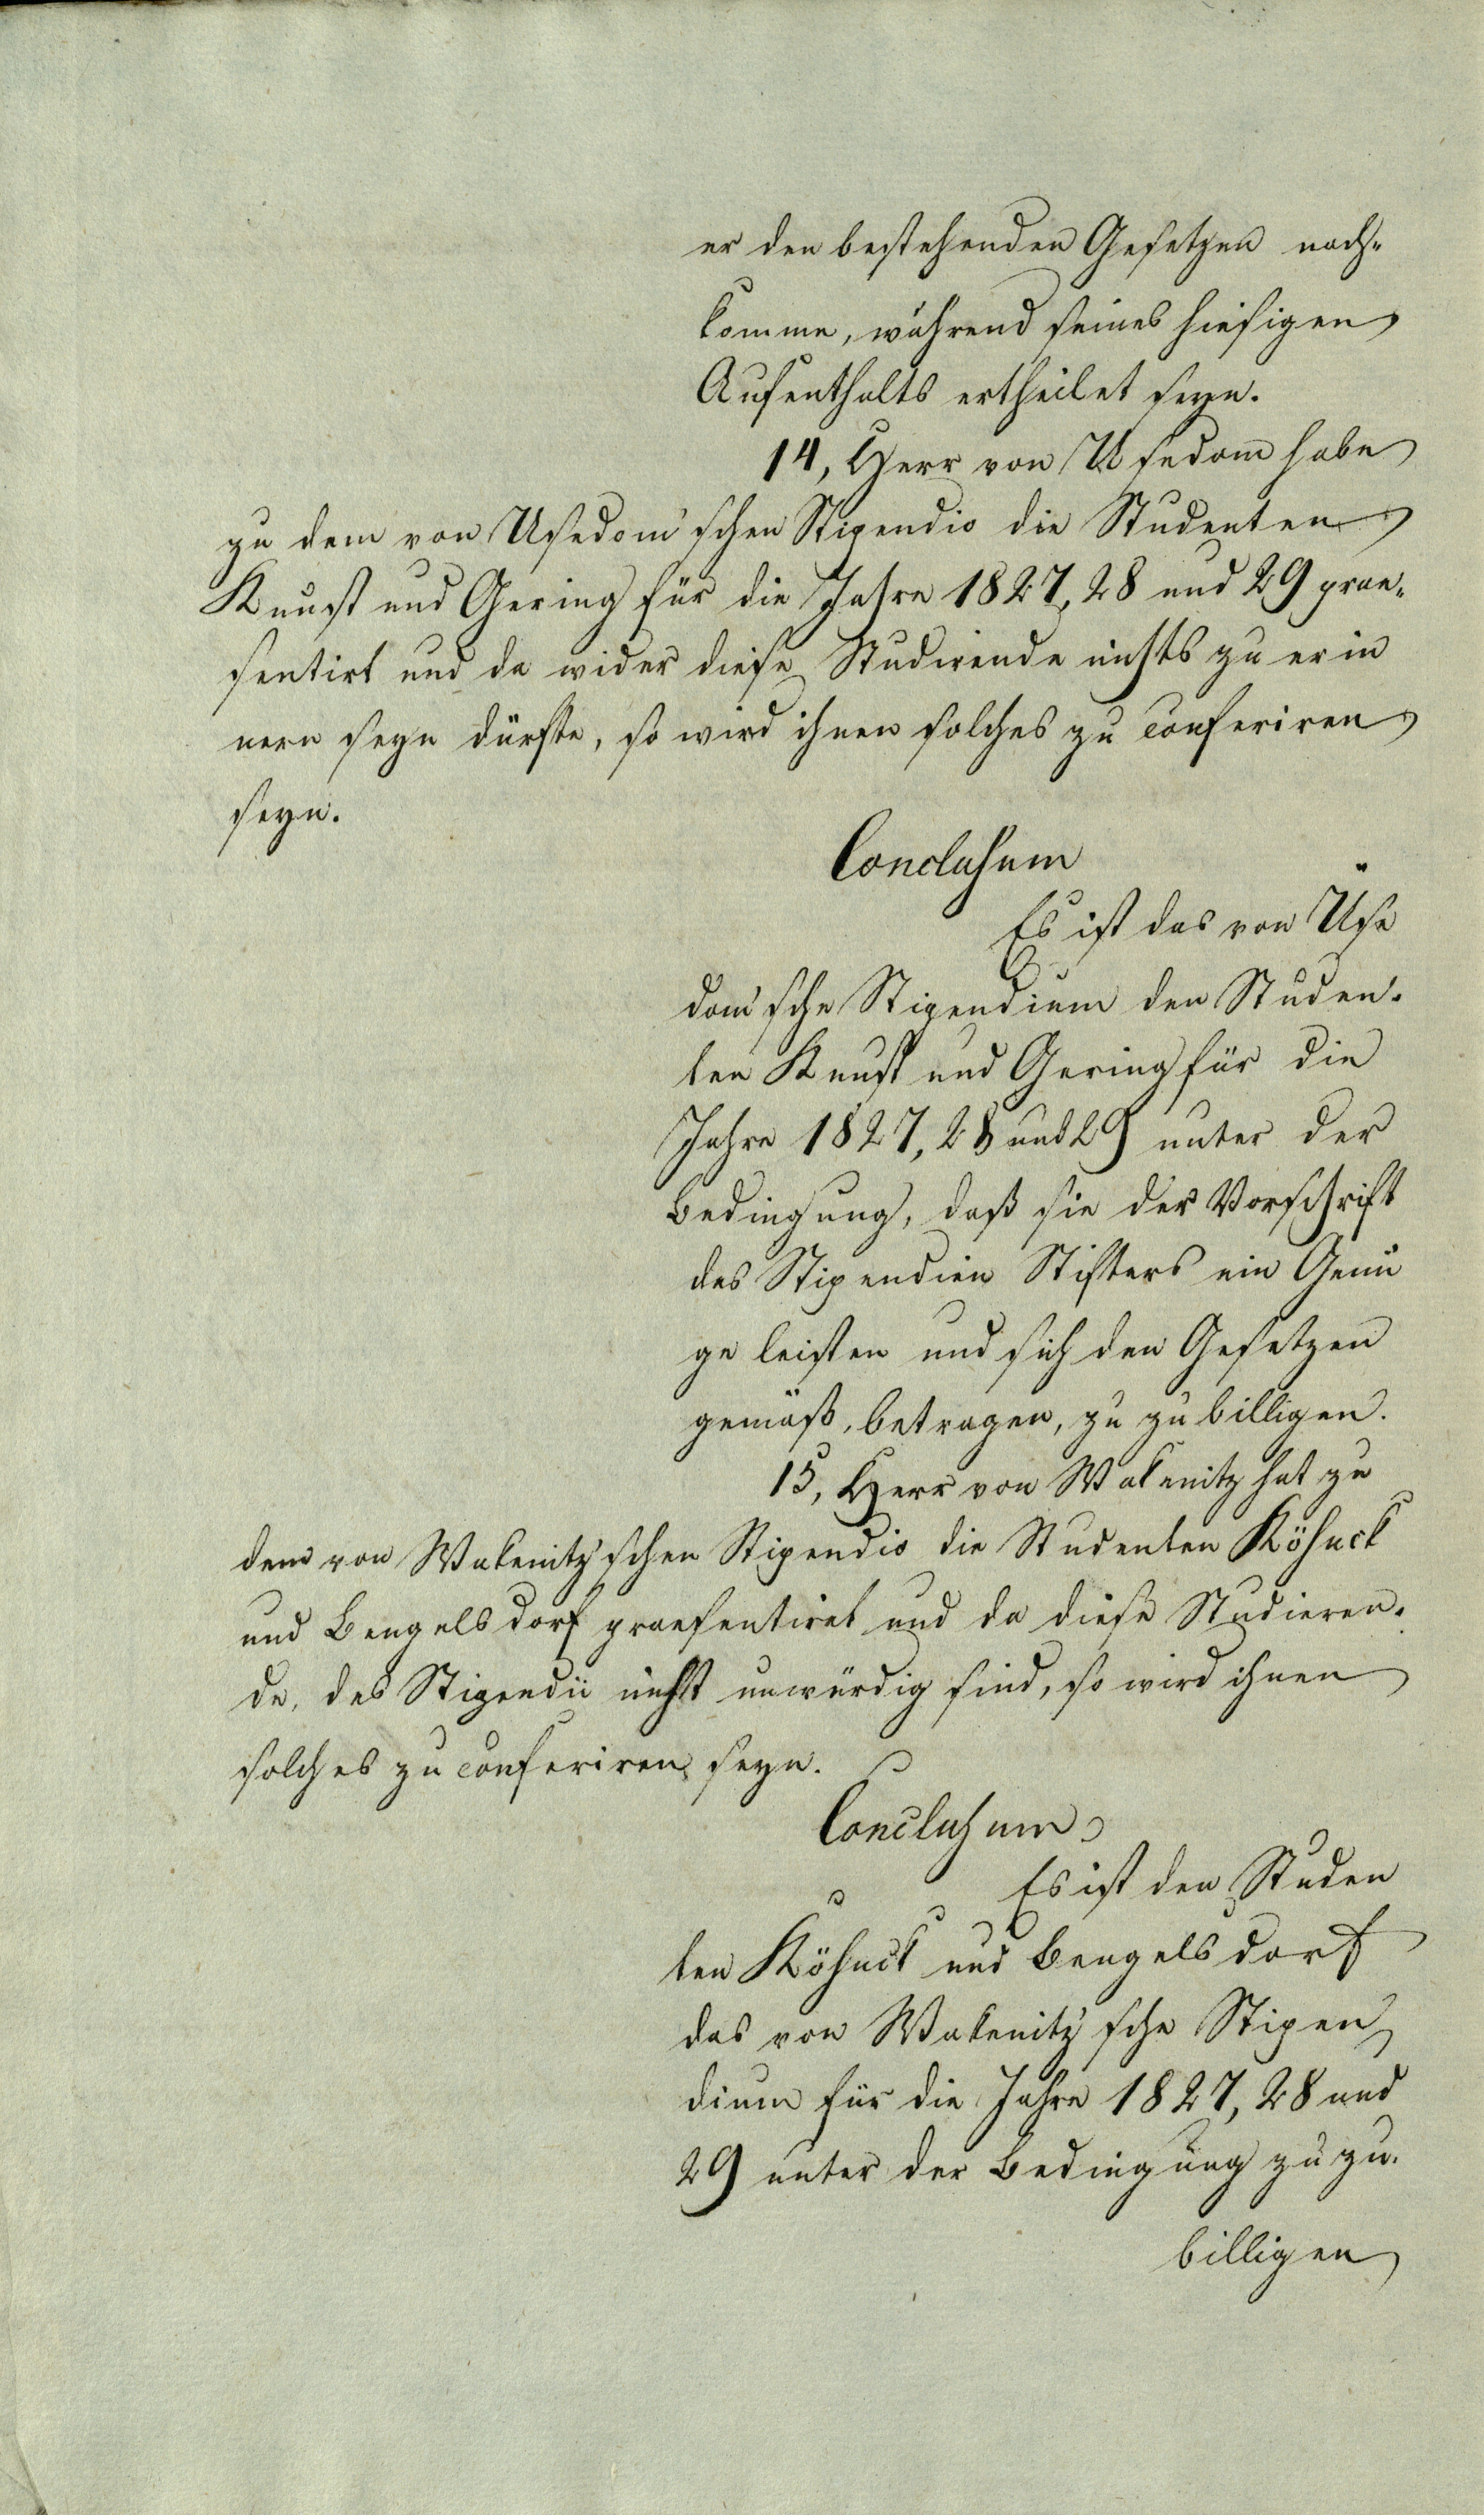er den bestehenden Gesetzen nach¬
komme, während seines hiesigen
Aufthalts ertheilet seyn.
14, Herr von Usedom habe
zu dem von Usedom'schen Stipendio die Studenten
Knust und Gering für die Jahre 1827, 28 und 29 prae¬
sentiret und da wider diese Studierende nichts zu erin¬
nern seyn dürfte, so wird ihnen solches zu conferiren
seyn.
Conclusum
Es ist das von Use¬
dom'sche Stipendium den Studen¬
ten Kunst und Gering für die
Jahre 1827, 28 und 29 unter der
Bedingung, daß sie der Vorschrift
des Stipenien Stifters ein Genü¬
ge leisten und sich den Gesetzen
gemäß, betragen, zu zu billigen.
15, Herr von Wakenitz hat zu
dem von Wakenitz'schen Stipendio die Studenten Köhnck
und Bengelsdorf praesentiret und da diese Studieren¬
de, des Stipendii nicht unwürdig sind, so wird ihnen
solches zu conferiren seyn.
Conclusum
Es ist den Studen¬
ten Köhnck und Bengelsdorf
das von Wakenitz'sche Stipen¬
dium für die Jahre 1827, 28 und
29 unter der Bedingung zu zu¬
billigen